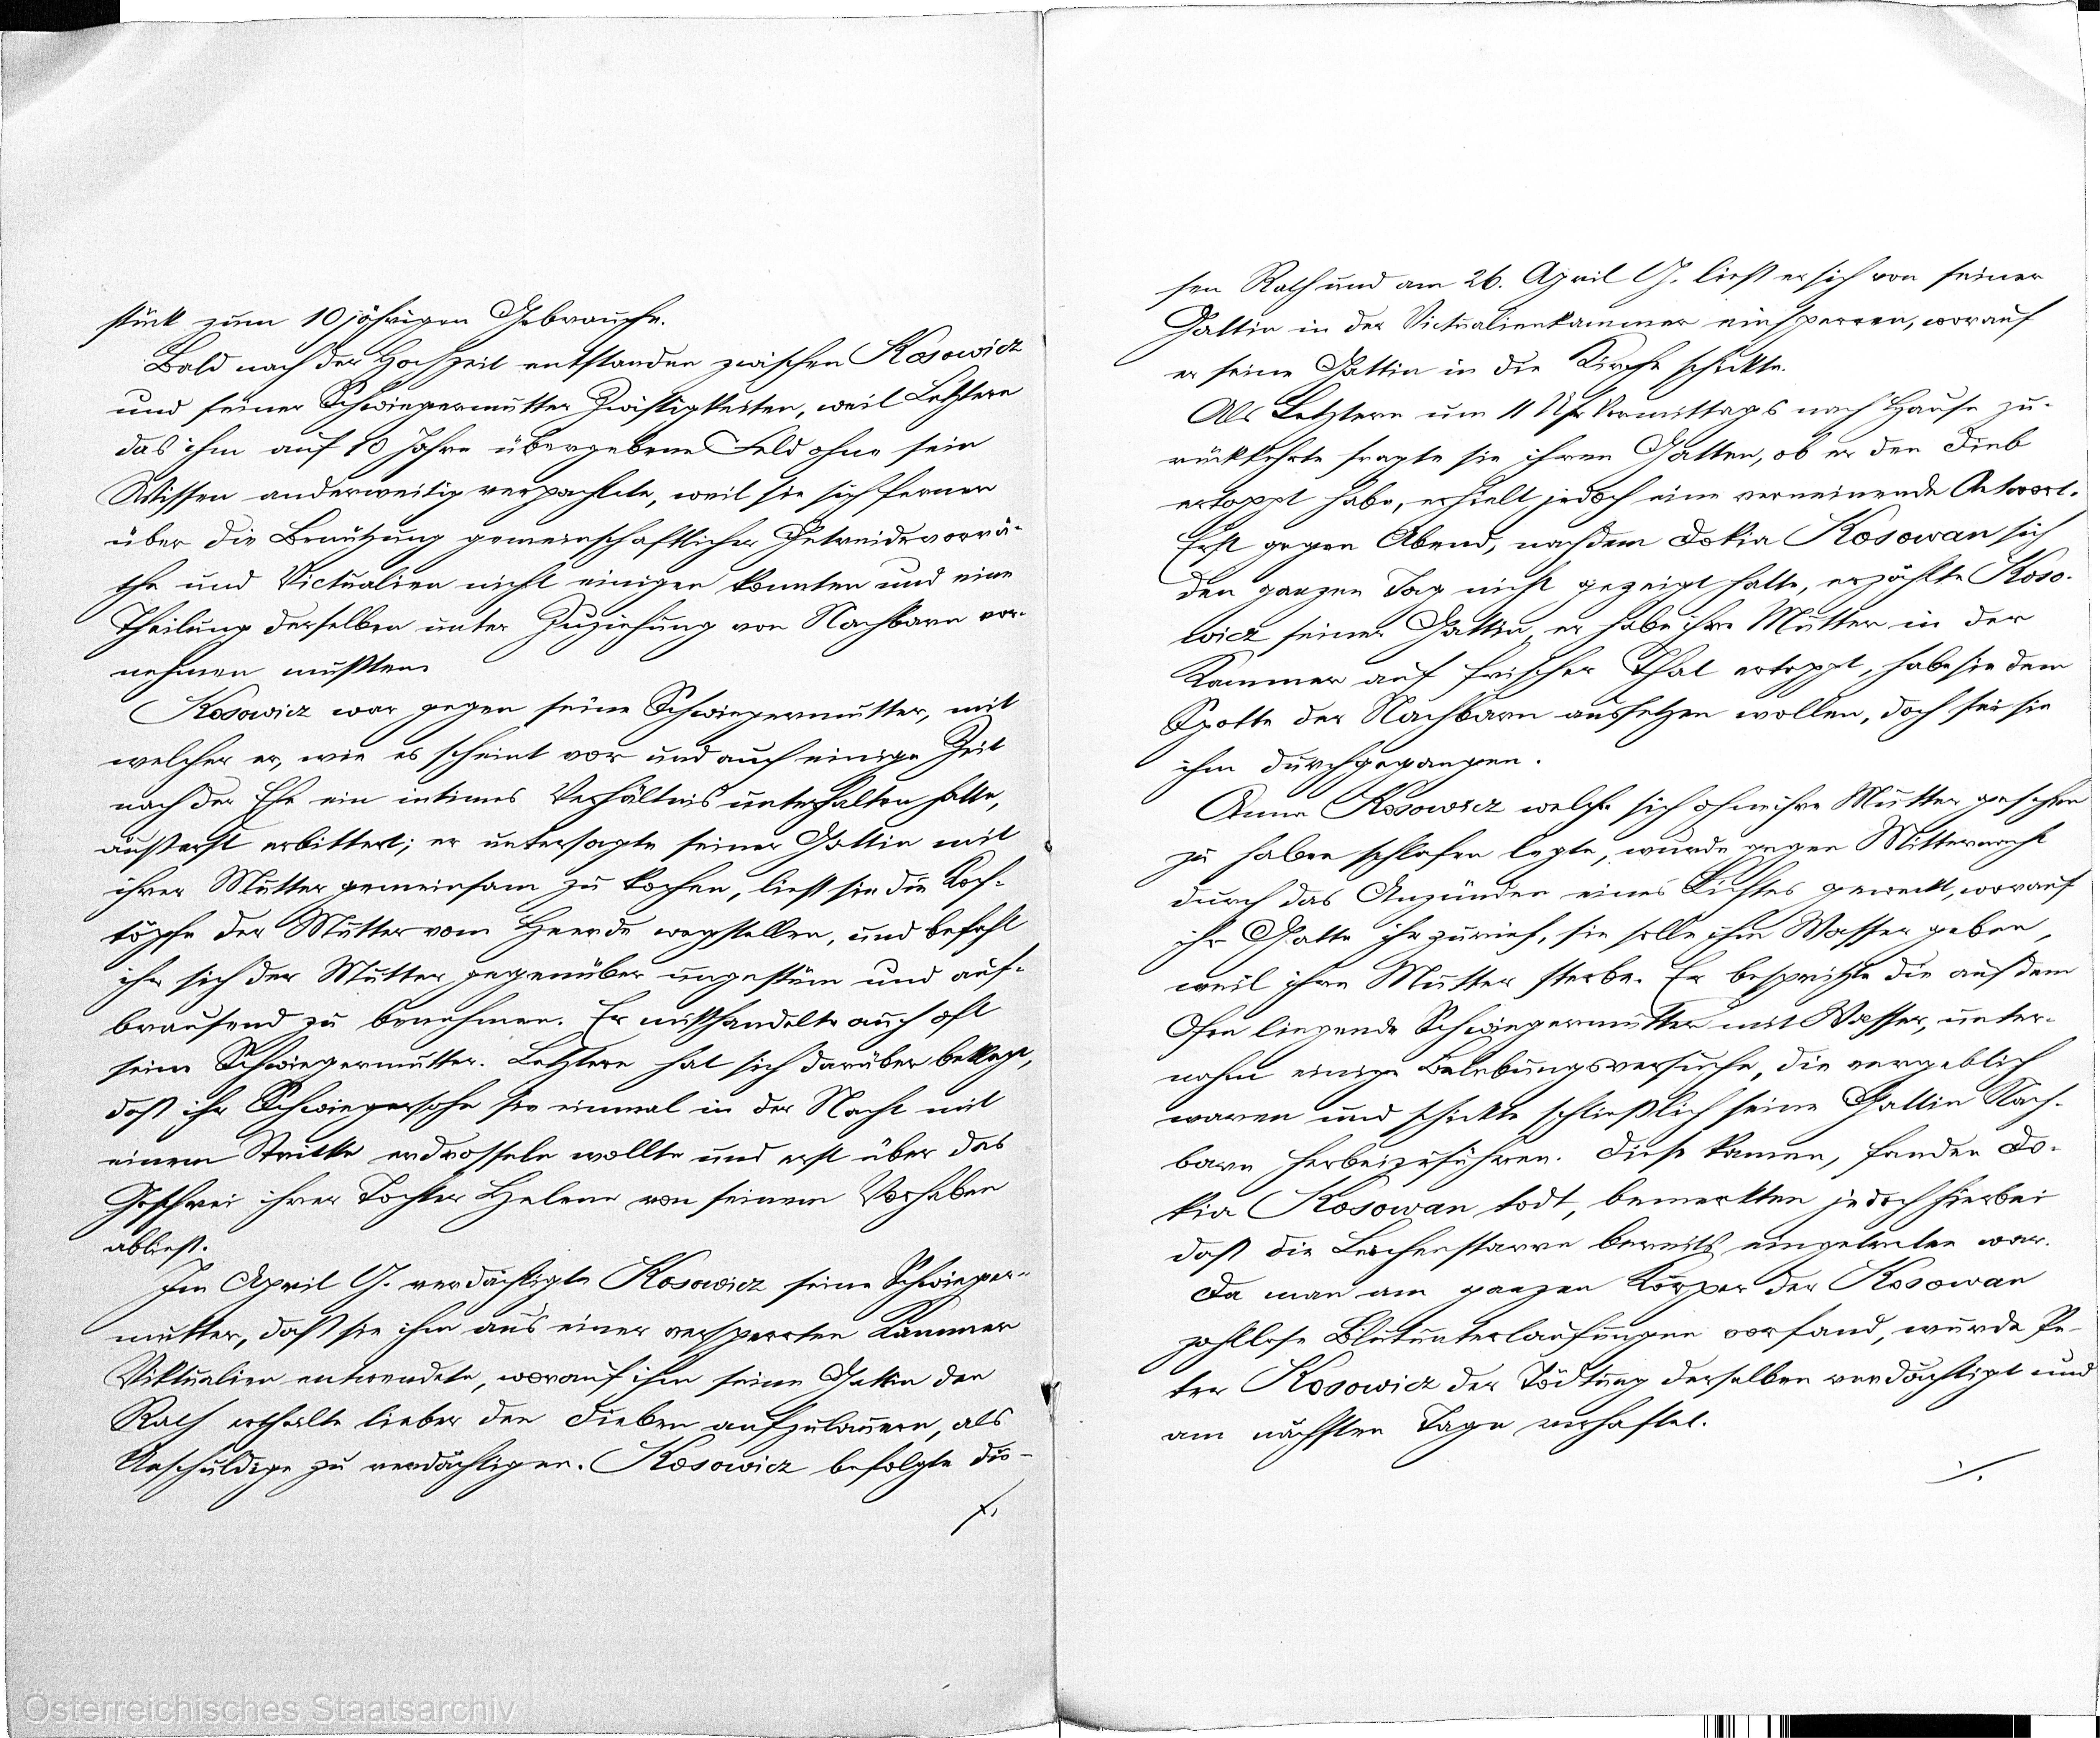stück zum 10jährigen Gebrauche.
Bald nach der Hochzeit entstanden zwischen Kosowicz
und seiner Schwiegermutter Zwistigkeiten, weil Letztere
das ihm auf 10 Jahre übergebene Feld ohne sein
Wissen anderweitig verpachtete, weil sie sich ferner
über die Benützung gemeinschaftlicher Getreidevorrä¬
the und Victualien nicht einigen konnten und eine
Theilung derselben unter Zuziehung von Nachbarn vor¬
nehmen mußten.
Kosowicz war gegen seine Schwiegermutter, mit
welcher er, wie es scheint vor und auch einige Zeit
nach der Ehe ein intimes Verhältnis unterhalten hatte,
äußerst erbittert; er untersagte seiner Gattin mit
ihrer Mutter gemeinsam zu kochen, ließ sie die Koch¬
töpfe der Mutter vom Heerde wegstellen, und befahl
ihr sich der Mutter gegenüber ungestüm und auf¬
brausend zu benehmen. Er mißhandelte auch oft
seine Schiwegermutter. Letztere hat sich darüber beklagt,
daß ihr Schwiegersohn sie einmal in der Nacht mit
einem Stricke erdrosseln wollte und erst über das
Geschrei ihrer Tochter Helene von seinem Vorhaben
abließ.
Im April lJ. Verdächtigte Kosowicz seine Schwieger¬
mutter, daß sie ihm aus einer versperrten Kammer
Viktualien entwendete, worauf ihm seine Gattin den
Rath ertheilte lieber den Dieben aufzulauern, als
Unschuldige zu verdächtigen. Kosowicz befolgte die¬
sen Rath und am 26. April lJ. ließ er sich von seiner
Gatting in der Victualienkammer einsperren, worauf
er seine Gattin in die Kirche schickte.
Als Letztere um 11 Uhr Vormittags nach Hause zu¬
rückkehrte fragte sie ihren Gatten, ob er den Dieb
ertappt habe, erhielt jedoch eine verneinende Antwort.
Erst gegen Abend, nach dem Dokia Kosowan sich
den ganzen Tag nicht gezeigt hatte, erzählte Koso¬
wicz seiner Gattin, er habe ihre Mutter in der
Kammer auf frischer That ertappt, habe sie dem
Spotte der Nachbarn aussetzen wollen, doch sei sie
ihm durchgegangen.
Anna Kosowicz welche sich ohne ihre Mutter gesehen
zu haben schlafen legte, wurde gegen Mitternacht
durch das Anzünden eines Lichtes geweckt, worauf
ihr Gatte ihr zurief, sie solle ihm Wasser geben,
weil ihre Mutter sterbe. Er bespritzte die auf dem
Ofen liegende Schwiegermutter mit Wasser, unter¬
nahm einige Belebungsversuche, die vergeblich
waren und schickte schließlich seine Gattin Nach¬
barn herbeizuführen. Diese kamen, fanden Do¬
kia Kosowan todt, bemerkten, jedoch hierbei
daß die Leichenstarre bereits eingetreten war.
Da man am ganzen Körper der Kosowan
zahllose Blutunterlaufungen vorfand, wurde Pe¬
ter Kosowicz der Tödtung derselben verdächtigt und
am nächsten Tage verhaftet.